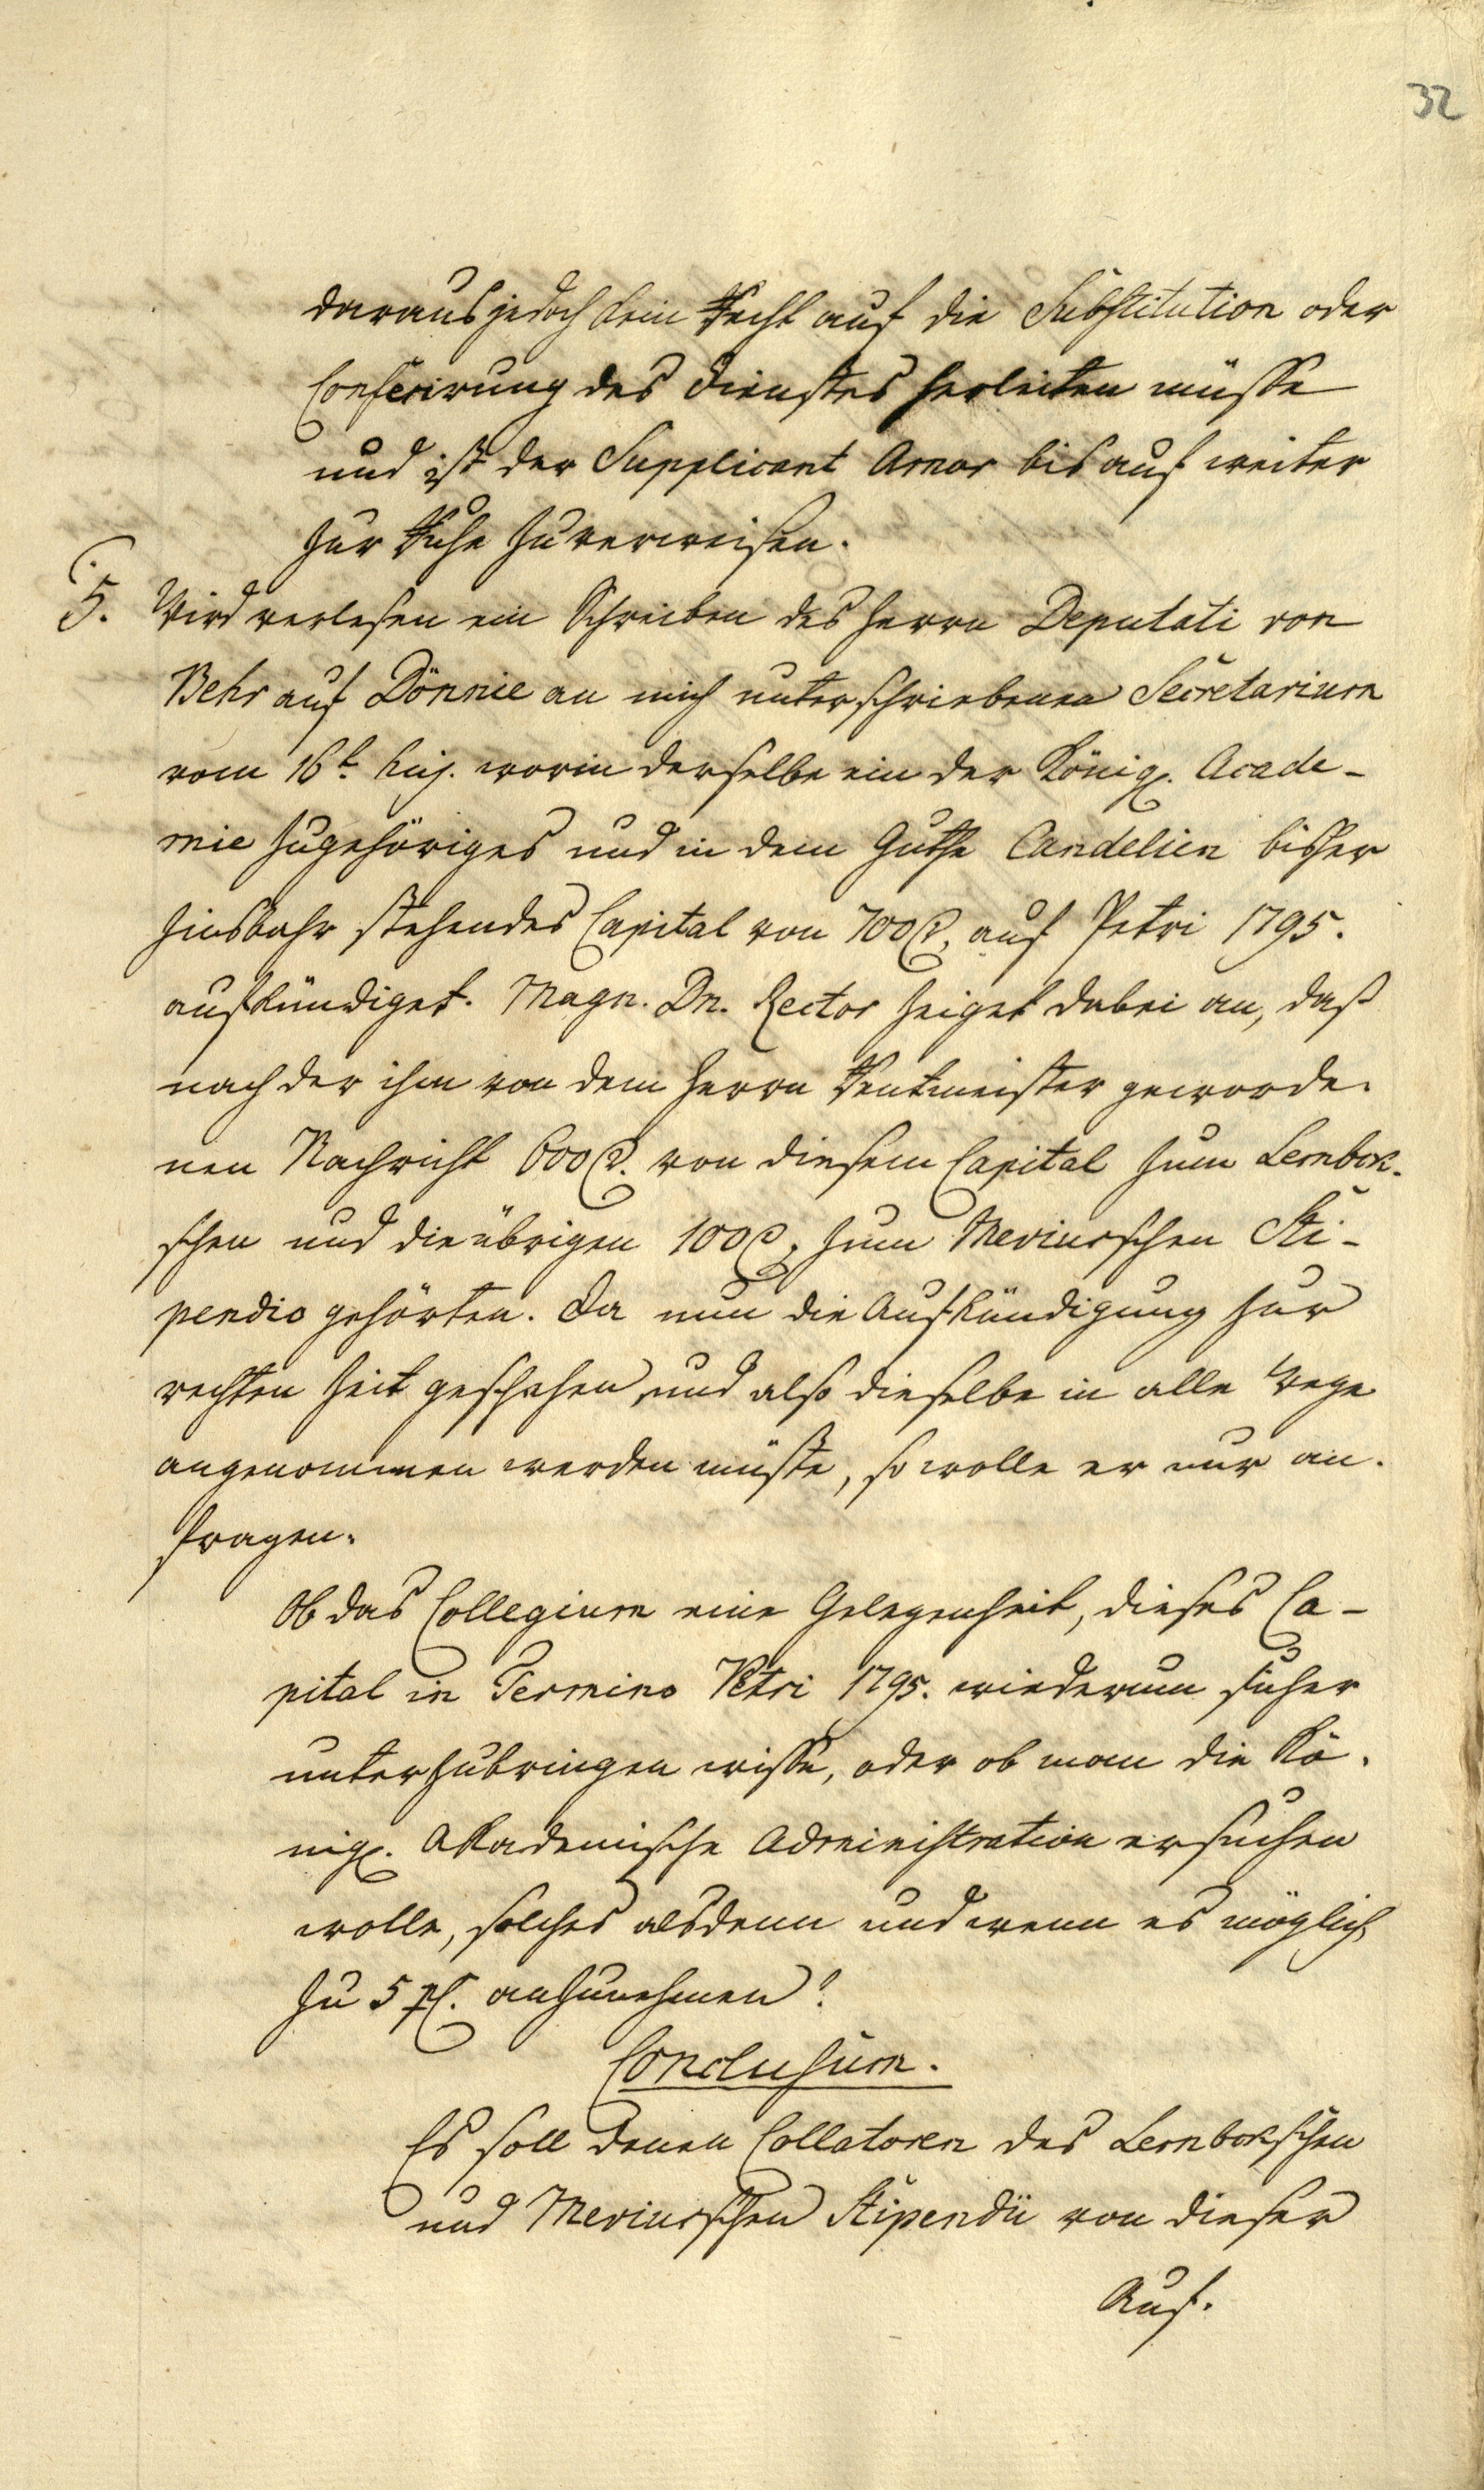daraus jedoch kein Recht auf die Substitution oder
Conferirung des Dienstes herleiten müsse
und ist der Supplicant Amor bis auf weiter
zur Ruhe zu verweisen.
5. Wird verlesen ein Schreiben des Herrn Deputati von
Behr auf Dönnie an mich unterschriebenen Secretarium
vom 16ten huj. worin derselbe ein der Königl. Acade-
mie zugehöriges und in dem Guthe Candelien bisher
zinsbahr stehendes Capital von 700 rtl auf Petri 1795.
aufkündiget. Magn. Dn. Rector zeiget dabei an, daß
nach der ihm von dem Herrn Rentmeister geworde-
nen Nachricht 600 rtl von diesem Capital zum Lembck-
schen und die übrigen 100 rtl zum Meviusschen Sti-
pendio gehörten. Da nun die Aufkündigung zur
rechten Zeit geschehen und also dieselbe in alle Wege
angenommen werden müßte, so wolle er nur an
fragen:
Ob das Collegium eine Gelegenehit, dieses Ca-
pital in Termino petri 1795. wiederum sicher
unterzubringen wisse, oder ob man die Kö-
nigl. Akademische Administration ersuchen
wolle, solches alsdenn und wenn es möglich
zu 5 pc. anzunehmen?
Conclusum.
Es soll denen Collatoren des Lembckschen
und Meviusschen Stipendii von dieser
Auf-